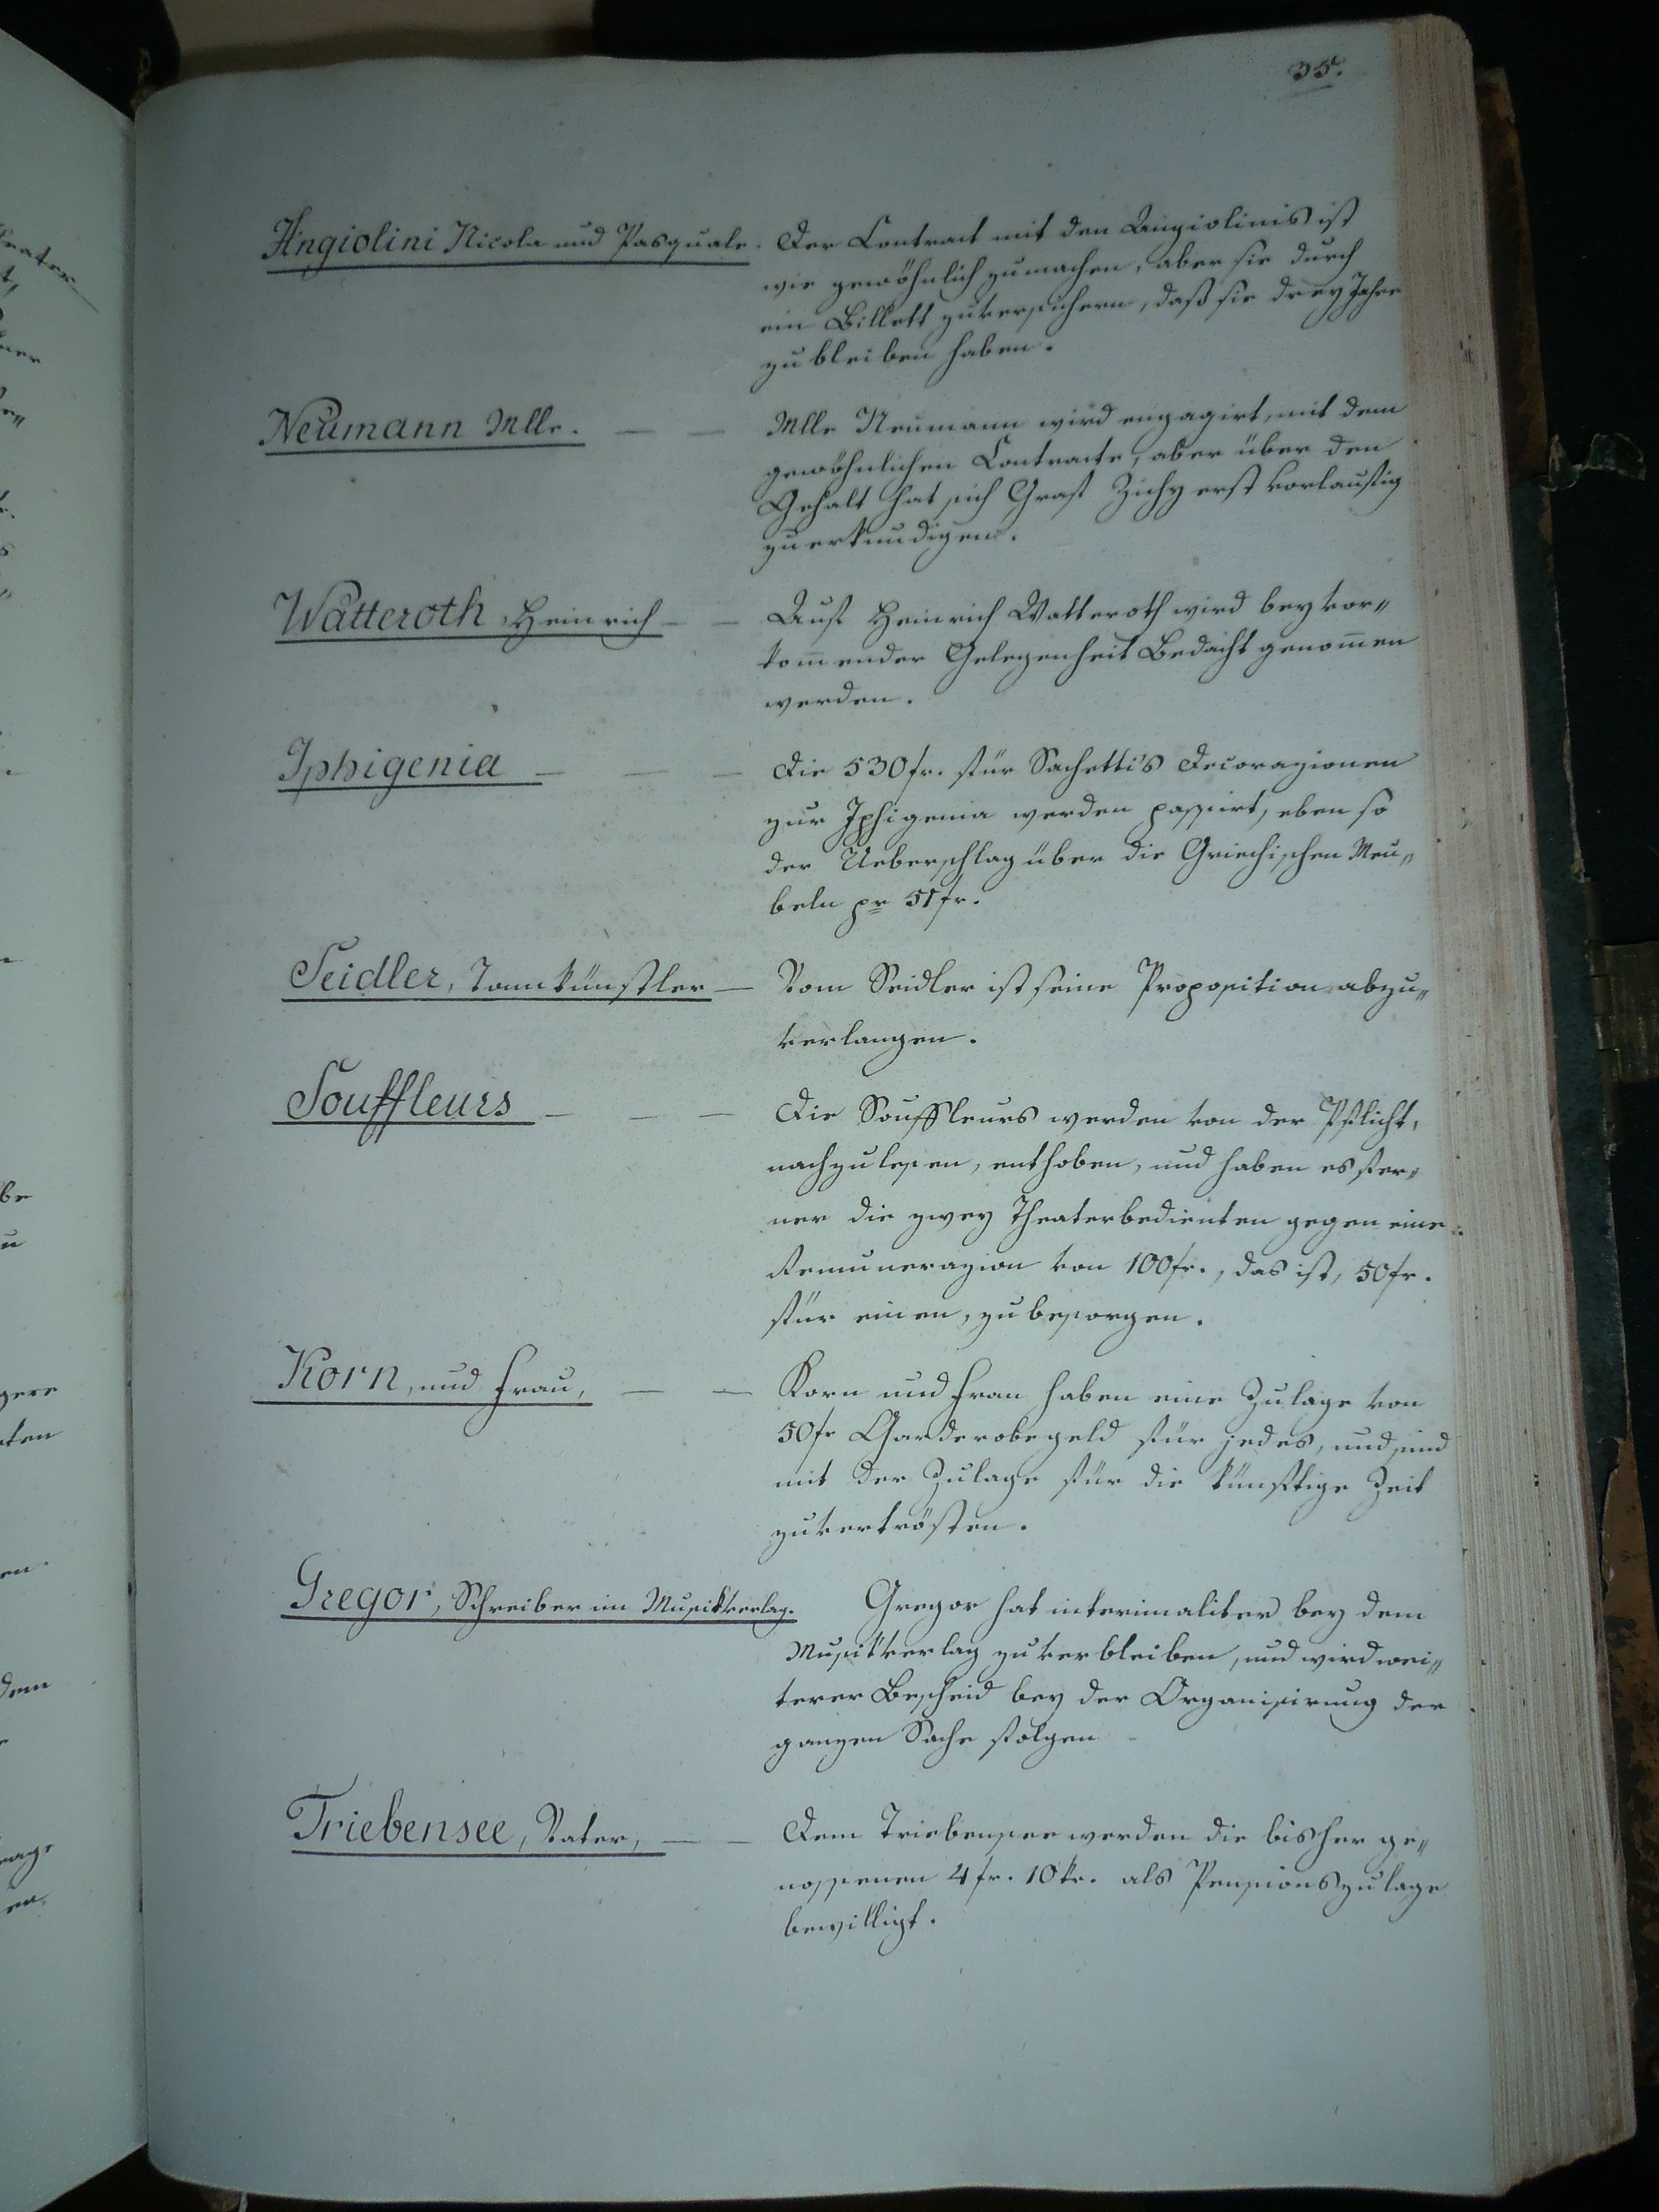35.
Angiolini Nicola und Pasquale. Der Contract mit den Angiolinis ist
wie gewöhnlich zumachen, aber sie durch
ein Billett zuversichern, daß sie drey Jahre
zu bleiben haben.
Neumann Mlle. _ _ Mlle Neumann wird engagirt, mit dem
gewöhnlichen Contracte, aber über den
Gehalt hat sich Graf Zichy erst vorläufig
zu erkundigen.
Watteroth, Heinrich _ _ Auf Heinrich Watteroth wird bey vor¬
kom̅ender Gelegenheit Bedacht genom̅en
werden.
Iphigenia _ _ _ Die 530fr. für Sachetti‘s Decorazionen
zur Iphigenia werden passirt, eben so
der Ueberschlag über die Griechischen Meu¬
beln pr 51fr.
Seidler, Tonnkünstler __ Vom Seidler ist seine Proposition abzu¬
verlangen.
Souffleurs _ _ _ Die Souffleurs werden von der Pflicht,
nachzulesen, enthoben, und haben es fer¬
ner die zwey Theaterbedienten gegen eine
Remunerazion von 100fr., das ist, 50fr.
für einen, zubesorgen.
Korn, und Frau, _ _ Korn und Frau haben eine Zulage von
50fr Garderobegeld für jedes, und sind
mit der Zulage für die künftige Zeit
zuvertrösten.
Gregor, Schreiber im Musikverlag. Gregor hat interim aliter bey dem
Musikverlag zuverbleiben, und wird wei¬
terer Bescheid bey der Organisirung der
ganzen Sache folgen.
Triebensee, Vater, _ _ Dem Triebensee werden die bisher ge¬
nossenen 4 fr. 10 kr. als Pensionszulage
bewilligt.